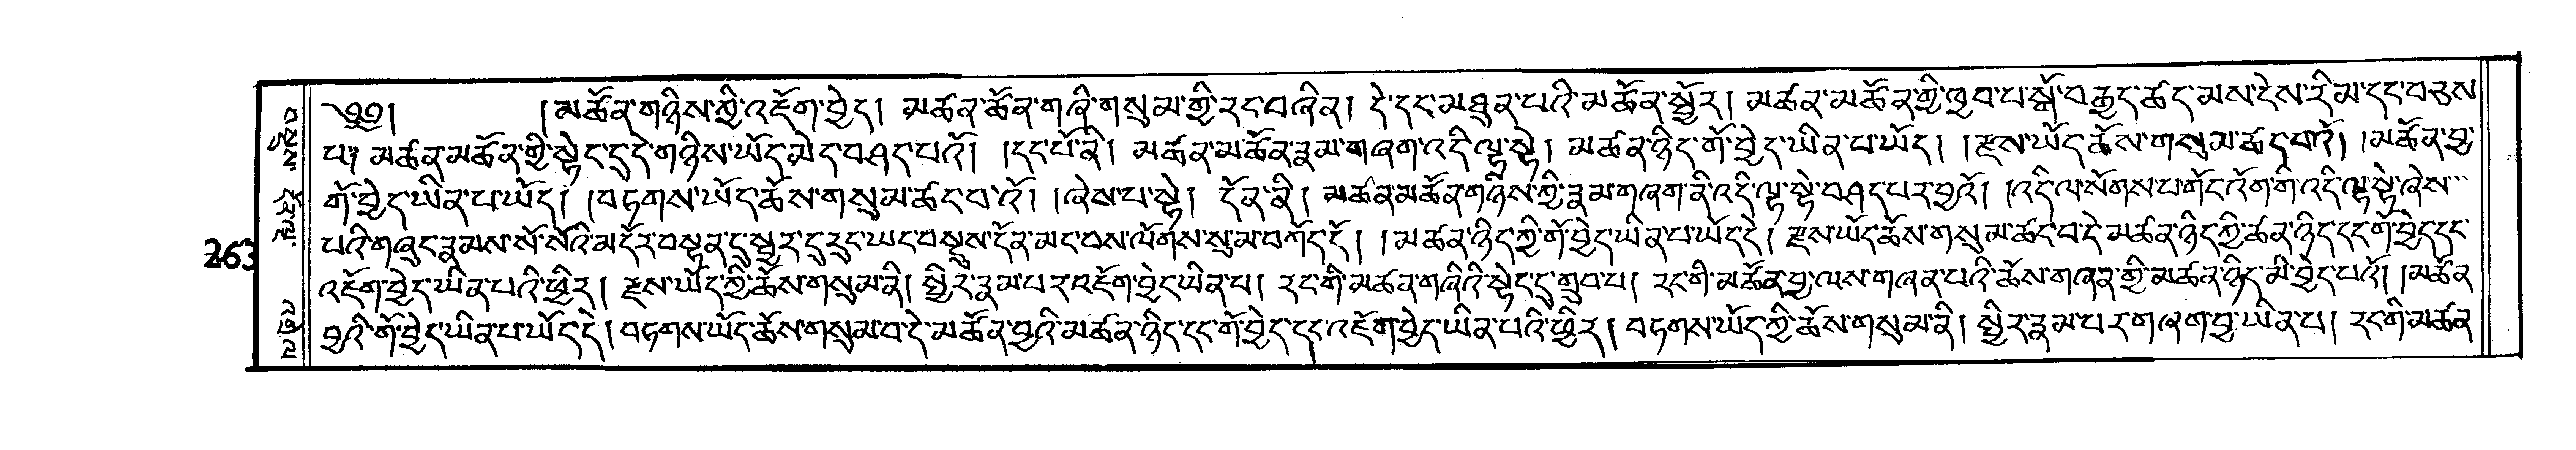༄༅། །མཚོན་གཉིས་ཀྱི་འཇོག་བྱེད། མཚན་ཚོན་གཞི་གསུམ་གྱི་རང་བཞིན། དེ་དང་མཐུན་པའི་མཚོན་སྦྱོར། མཚན་མཚོན་གྱི་ཁྱབ་པ་སྒོ་བརྒྱད་ཚད་མས་ངེས་རིམ་དང་བཅས་
པ༑ མཚན་མཚོན་གྱི་སྟེང་དུ་དེ་གཉིས་ཡོད་མེད་བཤད་པའོ། །དང་པོ་ནི། མཚན་མཚོན་རྣམ་གཞག་འདི་ལྟ་སྟེ། མཚན་ཉིད་གོ་བྱེད་ཡིན་པ་ཡོད། །རྫས་ཡོད་ཆོས་གསུམ་ཚད་བའོ། །མཚོན་བྱ་
གོ་བྱེད་ཡིན་པ་ཡོད། །བཏགས་ཡོད་ཆོས་གསུམ་ཚང་བའོ། །ཞེས་པ་སྟེ། དོན་ནི། མཚན་མཚོན་གཉིས་ཀྱི་རྣམ་གཞག་ནི་འདི་ལྟ་སྟེ་བཤད་པར་བྱའོ། །འདི་ལ་སོགས་པ་གོང་འོག་གི་འདི་ལྟ་སྟེ་ཞེས་
པའི་གཞུང་རྣམས་སོ་སོའི་མདོར་བསྟན་དུ་སྦྱར་དུ་རུང་ཡང་བསྡུས་དོན་མང་བས་ལོགས་སུ་མ་བཀོད་དོ། །མཚན་ཉིད་ཀྱི་གོ་བྱེད་ཡིན་པ་ཡོད་དེ། རྫས་ཡོད་ཆོས་གསུམ་ཚང་བ་དེ་མཚན་ཉིད་ཀྱི་ཚན་ཉིད་དང་གོ་བྱེད་དང་
འཇོག་བྱེད་ཡིན་པའི་ཕྱིར། རྫས་ཡོད་ཀྱི་ཆོས་གསུམ་ནི། སྤྱིར་རྣམ་པར་འཇོག་བྱེད་ཡིན་པ། རང་གི་མཚན་གཞིའི་སྟེང་དུ་གྲུབ་པ། རང་གི་མཚོན་བྱ་ལས་གཞན་པའི་ཆོས་གཞན་གྱི་མཚན་ཉིད་མི་བྱེད་པའོ། །མཚོན་
བྱའི་གོ་བྱེད་ཡིན་པ་ཡོད་དེ། བཏགས་ཡོད་ཆོས་གསུམ་བ་དེ་མཚོན་བྱའི་མཚན་ཉིད་དང་གོ་བྱེད་དང་འཇོག་བྱེད་ཡིན་པའི་ཕྱིར། བཏགས་ཡོད་ཀྱི་ཆོས་གསུམ་ནི། སྤྱིར་རྣམ་པར་གཞག་བྱ་ཡིན་པ། རང་གི་མཚན་